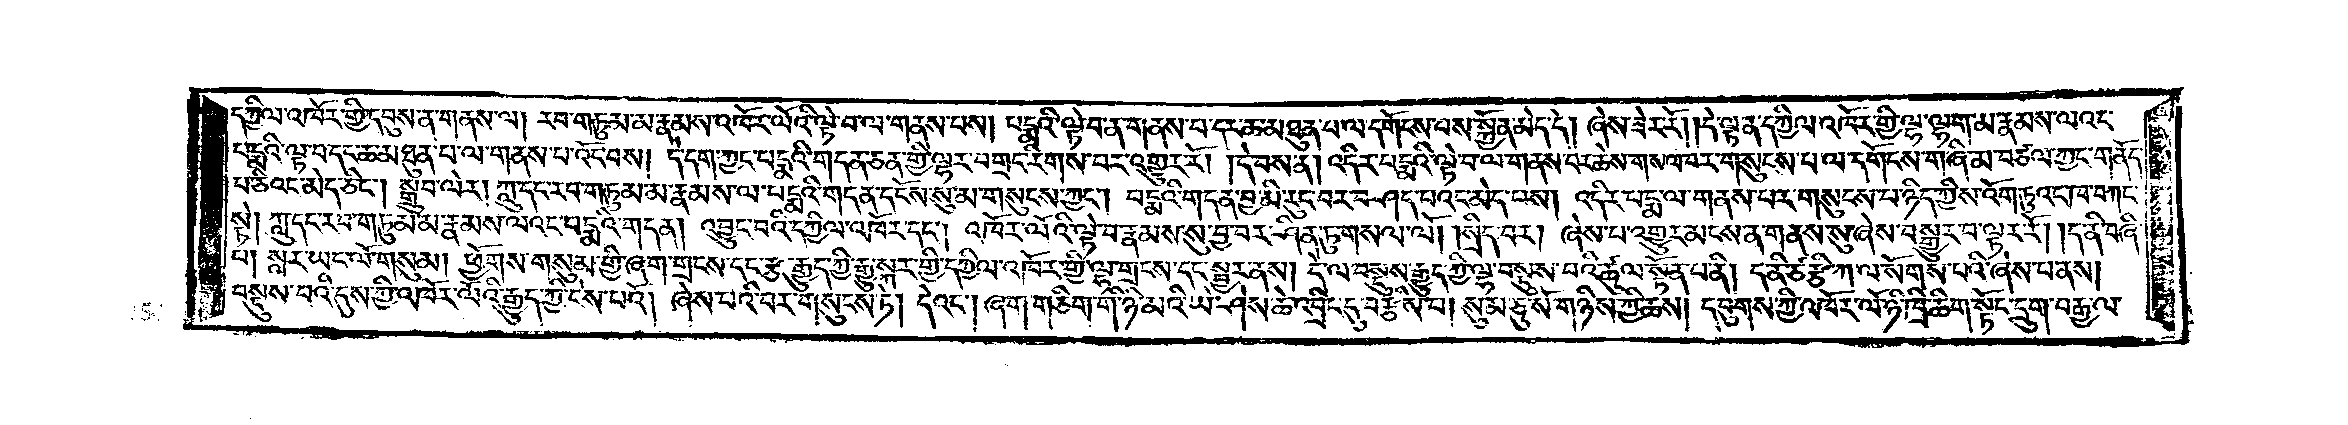དཀྱིལ་འཁོར་གྱི་དབུས་ན་གནས་ལ། རབ་གཏུམ་མ་རྣམས་འཁོར་ལོའི་ལྟེ་བ་ལ་གནས་པས། པདམའི་ལྟེ་བ་ན་གནས་པ་དར་ཆ་མཐུན་པ་ལ་དགོངས་པས་སྐྱོན་མེད་དེ། ཞེས་ཟེར་རོ། །དེ་ལྟ་ན་དཀྱིལ་འཁོར་གྱི་ལྷ་ལྷག་མ་རྣམས་ལའང་
པདམའི་ལྟ་བ་དང་ཆ་མཐུན་པ་ལ་གནས་པ་འོང་བས། དེ་དག་ཀྱང་པདམའི་གདན་ཅན་གྱི་ལྷར་བགྲང་རིགས་པར་འགྱུར་རོ། །དེ་བས་ན། འདིར་པདམའི་ལྟེ་བ་ལ་གནས་པར་ཆེས་གསལ་བར་གསུངས་པ་ལ་དགོངས་གཞི་མ་བཙལ་ཀྱང་གནོད་
པ་ཅིའང་མེད་ཅིང་། སྒྲུབ་ལེར། ཀླུ་དང་རབ་གཏུམ་མ་རྣམས་ལ་པདམའི་གདན་དངོས་སུ་མ་གསུངས་ཀྱང་། པདམའི་གདན་བྱ་མི་རུང་བར་བཤད་པའང་མེད་པས། འདིར་པདམ་ལ་གནས་པར་གསུངས་པ་ཉིད་ཀྱིས་འོག་ཏུའང་ཁ་བཀང་
སྟེ། ཀླུ་དང་རབ་གཏུམ་མ་རྣམས་ལའང་པདམའི་གདན། འབྱུང་བའི་དཀྱིལ་འཁོར་དང་། འཁོར་ལོའི་ལྟེ་བ་རྣམས་སུ་བྱ་བར་ཤིན་ཏུ་གསལ་ལོ། །སྲིད་བར། ཞེས་པ་འགྱུར་མངས་ན་གནས་སུ་ཞེས་བསྒྱུར་བ་ལྟར་རོ། །ད་ནི་བཞི་
པ། སླར་ཡང་ལོ་གསུམ། ཕྱོགས་གསུམ་གྱི་ཞག་གྲངས་དང་རྩ་རྒྱུད་ཀྱི་རྒྱུ་སྐར་གྱི་དཀྱིལ་འཁོར་གྱི་ལྷ་གྲངས་དང་སྦྱར་ནས། དེ་ལ་བསྡུས་རྒྱུད་ཀྱི་ལྷ་བསྡུས་པའི་ཚུལ་སྟོན་པ་ནི། ད་ནི་ཙ་རྩི་ཀ་ལ་སོགས་པའི་ཞེས་པ་ནས།
བསྡུས་པའི་དུས་ཀྱི་འཁོར་ལོའི་རྒྱུད་ཀྱི་ངེས་པའོ། ཞེས་པའི་བར་གསུངས་ཏེ། དེའང་། ཞག་གཅིག་གི་ཉི་མའི་ཡེ་ཤེས་ཆེ་འབྲིང་དུ་བརྩིས་པ། སུམ་ཅུ་སོ་གཉིས་ཀྱི་ཆས། དབུགས་ཀྱི་འཁོར་ལོ་ཉི་ཁྲི་ཆིག་སྟོང་དྲུག་བརྒྱ་ལ་